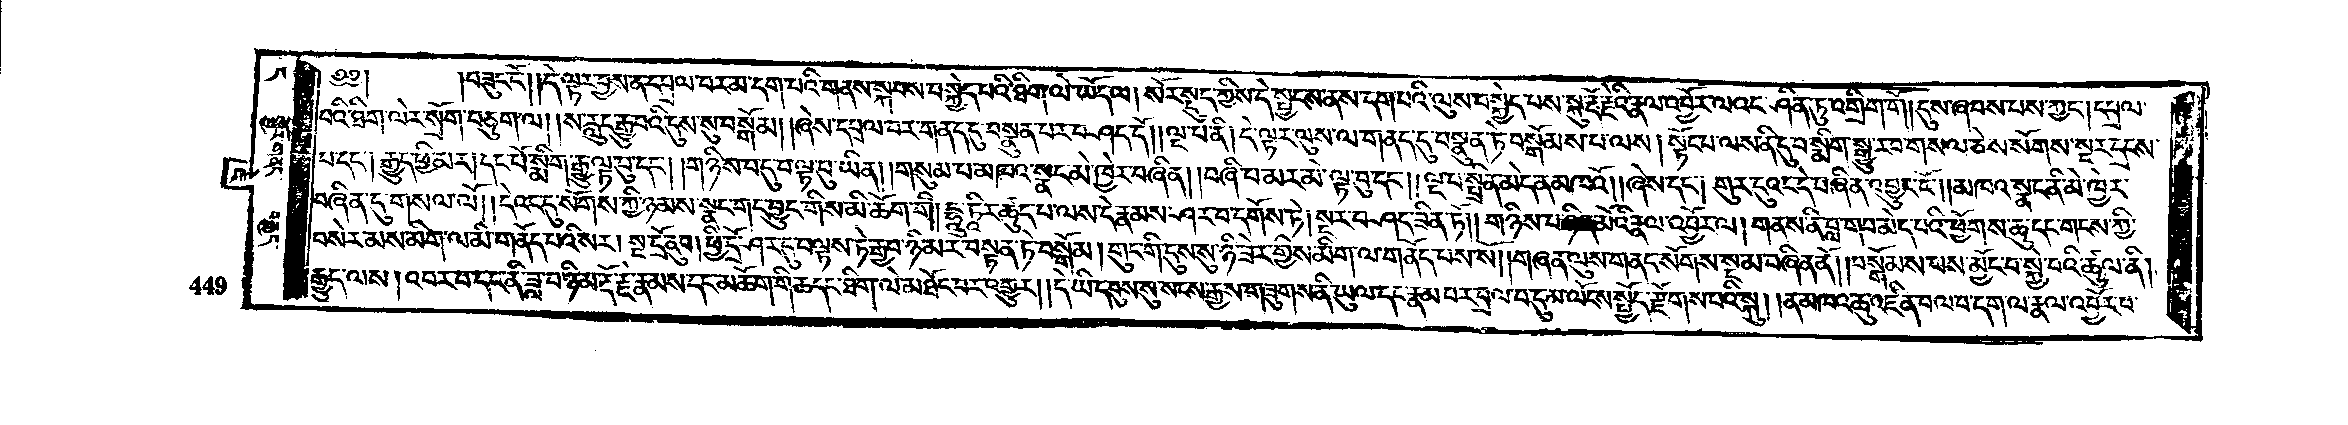༄༅། །བཟུང་ངོ། །དེ་ལྟར་བྱས་ན་དཔྲལ་བར་མ་དག་པའི་གནས་སྐབས་བསྐྱེད་པའི་ཐིག་ལེ་ཡོད་ལ། སོར་སྡུད་ཀྱིས་དེ་སྦྱངས་ནས་དག་པའི་ལུས་བསྐྱེད་པས་སྐུ་རྡོ་རྗེའི་རྣལ་འབྱོར་ལའང་ཤིན་ཏུ་འགྲིག་གོ །དུས་ཞབས་པས་ཀྱང་། དཔྲལ་
བའི་ཐིག་ལེར་སྲོག་བཅུག་ལ། །ས་རླུང་རྒྱུ་བའི་དུས་སུ་བསྒོམ། །ཞེས་དཔྲལ་བར་གནད་དུ་བསྣུན་པར་བཤད་དོ། །ལྔ་པ་ནི། དེ་ལྟར་ལུས་ལ་གནད་དུ་བསྣུན་ཏེ་བསྒོམས་པ་ལས། སྟོང་པ་ལས་ནི་དུ་བ་སྨིག་སྒྱུ་རབ་གསལ་ཅེས་སོགས་སྔར་དྲངས་
པ་དང་། རྒྱུད་ཕྱི་མར། དང་པོ་སྨིག་རྒྱུ་ལྟ་བུ་དང་། །གཉིས་པ་དུ་བ་ལྟ་བུ་ཡིན། །གསུམ་པ་མཁའ་སྣང་མེ་ཁྱེར་བཞིན། །བཞི་པ་མར་མེ་ལྟ་བུ་དང་། །ལྔ་པ་སྤྲིན་མེད་ནམ་མཁའོ། །ཞེས་དང་། གུར་དུའང་དེ་བཞིན་འབྱུང་ངོ། །མཁའ་སྣང་ནི་མེ་ཁྱེར་
བཞིན་དུ་གསལ་ལོ། །དེའང་དུ་སོགས་ཀྱི་ཉམས་སྣང་གང་བྱུང་གིས་མི་ཆོག་གི །དྷཱུ་ཏཱིར་ཚུད་པ་ལས་དེ་རྣམས་ཤར་པ་དགོས་ཏེ། སྔར་བཤད་ཟིན་ཏོ། །གཉིས་པ་ཉིད་མོའི་རྣལ་འབྱོར་ལ། གནས་ནི་བླ་གབ་མེད་པའི་ཕྱོགས་ཆུ་དང་གངས་ཀྱི་
བསེར་མས་མིག་ལ་མི་གནོད་པའི་སར། སྔ་དྲོ་ནུབ། ཕྱི་དྲོ་ཤར་དུ་བལྟས་ཏེ་རྒྱབ་ཉི་མར་བསྟན་ཏེ་བསྒོམ། གུང་གི་དུས་སུ་ཉི་ཟེར་གྱིས་མིག་ལ་གནོད་པས་སོ། །གཞན་ལུས་གནད་སོགས་སྔ་མ་བཞིན་ནོ། །བསྒོམས་པས་མྱོང་བ་སྐྱེ་བའི་ཚུལ་ནི།
རྒྱུད་ལས། འབར་བ་དང་ནི་ཟླ་བ་ཉི་མ་རྡོ་རྗེ་རྣམས་དང་མཆོག་གི་ཆ་དང་ཐིག་ལེ་མཐོང་བར་འགྱུར། །དེ་ཡི་དབུས་སུ་སངས་རྒྱས་གཟུགས་ནི་ཡུལ་དང་རྣམ་པར་བྲལ་བ་དུ་མ་ལོངས་སྤྱོད་རྫོགས་པའི་སྐུ། །ནམ་མཁའ་ཆུ་འཛིན་བལ་བ་དག་ལ་རྣལ་འབྱོར་བ་